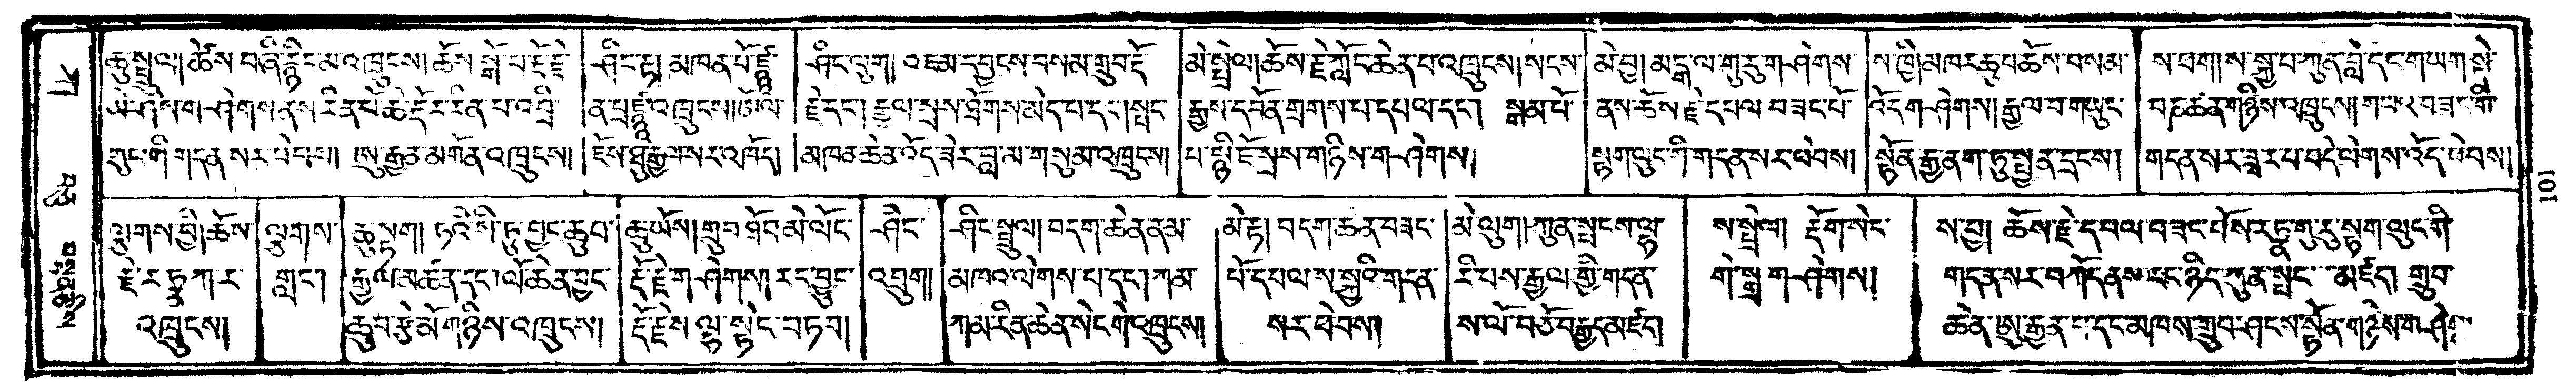༄༅། །ཆུ་སྦྲུལ། ཚེས་བཞི་རྙིང་མ་འཁྲུངས་ཆོས་སྒོ་པ་རྡོ་རྗེ་ཤིང་རྟ། མཁན་པོ་ཛྙཱ་ཤིང་ལུག། འཇམ་དབྱངས་བསམ་གྲུབ་རྡོ་མེ་སྤེལ། ཆོས་རྗེ་གློང་ཆེན་པ་འཁྲུངས། སངས་མེ་བྱ། མངྒ་ལ་གུ་རུ་གཤེགས་ས་ཁྱི། མཁར་ཆུ་བ་ཆོས་བསམ་ས་བག། ས་སྐྱ་པ་ཀུན་བློ་དང་གཡག་སེ?
ཡེ་ཤེས་གཤེགས་ནས་རིན་པོ་ཆེ་རྡོར་རིན་པོ་འབྲི་ན་པྲཛྙཱ་འཁྲུངས། ཨོལ་རྗེ་དང་། རྒྱལ་སྲས་ཐོགས་མེད་པ་དང་། སྤང་རྒྱས་དབོན་གྲགས་པ་དཔལ་དང་། སྒོམ་པོ་ནས་ཆོས་རྗེ་དཔལ་བཟང་པོ་འོད་གཤེགས། རྒྱལ་བ་གཡུང་པཎ་ཚན་གཉིས་འཁྲུངས། གཡར་བཟའ?་གི་
གུང་གི་གདན་སར་ཕེབས། །སུ་རྒྱན་མགོན་འཁྲུངས། ཇོས་ཐུ་རྒྱལ་སར་འཁོད་འཁོད་མཁན་ཆེན་འོད་ཟེར་བླ་མ་གསུམ་འཁྲུངས། པ་སྙི་ཇོ་སྲས་གཉིས་གཤེགས། སྟག་ལུང་གི་གདན་སར་ཕེབས། སྟོན་རྒྱ་ནག་ཏུ་སྤྱན་དྲངས། གདན་སར་ཟྭ་ར་པ་བདེ་ལེགས་འོད་ཕེབས།
ལྕགས་བྱི། ཆོས་ལྕགས་ཆུ་སྟག། ཏའི་སི་ཏུ་བྱང་ཆུབ་ཆུ་ཡོས། གྲུབ་ཐོབ་མེ་ལོང་ཤིག་ཤིང་སྦྲུལ། བདག་ཆེན་ནམ་མེ་རྟ། བདག་ཆན་བཟང་མེ་ལུག། ཀུན་སྤངས་ལྷ་ས་སྤྲེལ་རྡོག་སེང་ས་བྱ། ཆོས་རྗེ་དཔལ་བཟང་པོས་རཏྣ་གུ་རུ་སྟག་ལུང་གི་
རྗེ་རཏྣ་ཀར་གླང་རྒྱལ་མཚན་དན། ལོ་ཆེན་བྱང་རྡོ་རྗེ་གཤེགས། རང་བྱུང་འབྲུག། མཁའ་ལེགས་པ་དང་། ཀམ་པོ་དཔལ་ས་སྐྱའི་གདན་རི་པས་རྒྱལ་གྱི་གདན་གེ་སྒྲ་གཤེགས། གདན་སར་བཀོད་ནས་ངང་ཉིད་ཀུན་སྤང་མཛད་གྲུབ་
འཁྲུངས། ཆུབ་རྩེ་མོ་གཉིས་འཁྲུངས། རྡོ་རྗེ་ལྷ་སྟེང་བཏབ། ཀམ་རིན་ཆེན་སེང་གེ་འཁྲུངས། སར་ཕེབས། ས་ལོ་བཅོ་བརྒྱད་མཛད། ཆེན་ཨུ་རྒྱན་པ་དང་མཁས་གྲུབ་ཤངས་སྟོན་གཉེས་གཤེགས?